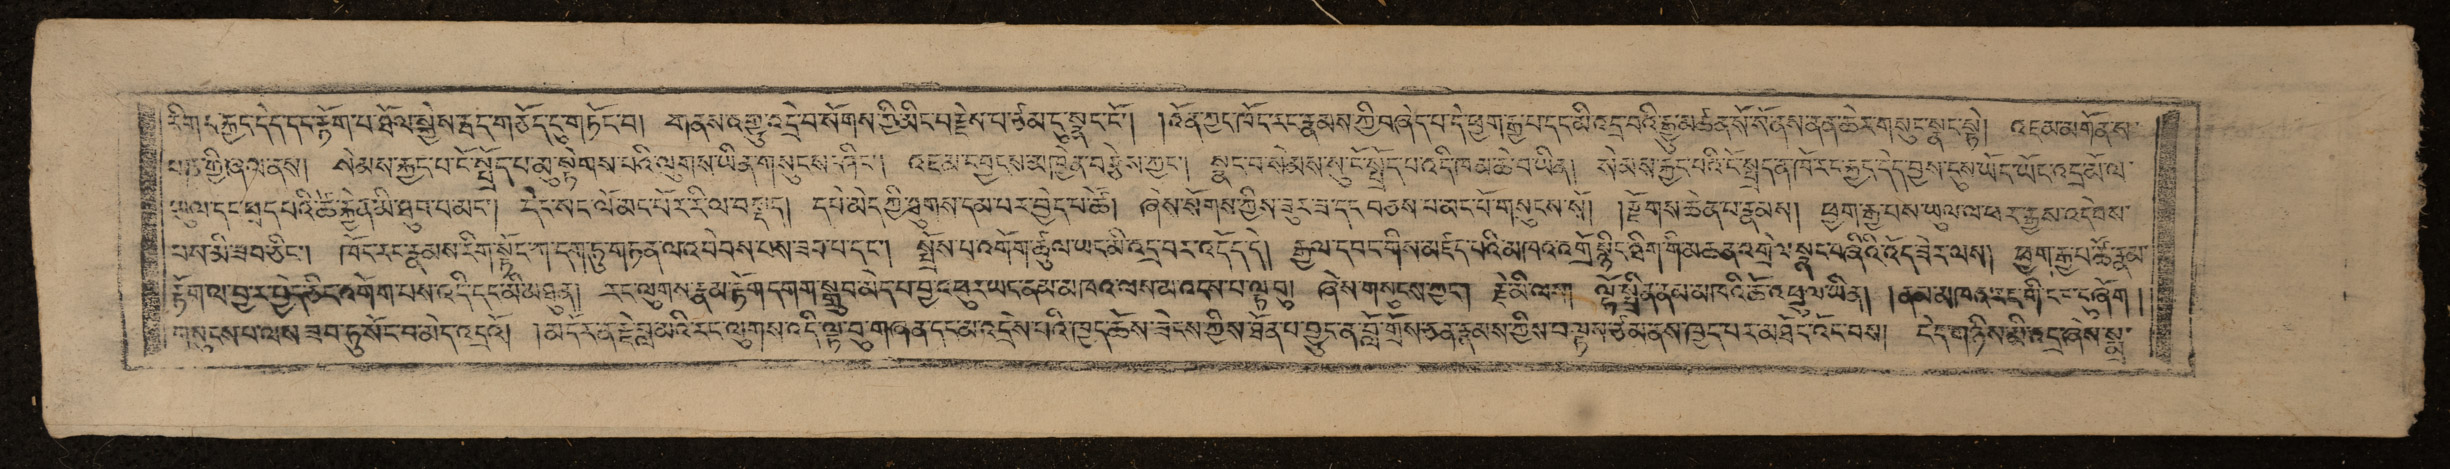རིག་པ་རྐྱང་དེད་དང་རྟོག་པ་ཐོལ་སྐྱེས་རྦད་གཅོད་དུ་གཏོང་བ། གནས་འགྱུ་འདྲེ་བ་སོགས་ཀྱི་མིང་བརྗེས་བ་ཙམ་དུ་སྣང་ངོ། །འོན་ཀྱང་ཁོང་རང་རྣམས་ཀྱི་བཞེད་པ་དེ་ཕྱག་རྒྱ་བ་དང་མི་འདྲ་བའི་རྒྱུ་མཚན་སོ་སོ་ནས་ནན་ཆེར་གསུང་སྣང་སྟེ། འཇམ་མགོན་ས་
པཎ་གྱི་ཞལ་ནས། སེམས་རྐྱང་པ་ངོ་སྤྲོད་པ་མུ་སྟེགས་པའི་ལུགས་ཡིན་གསུངས་ཤིང་། འཇམ་དབྱངས་མཁྱེན་བརྩེས་ཀྱང་། སྣང་བ་སེམས་སུ་ངོ་སྤྲོད་པ་འདི་ཁམ་ཆེ་བ་ཡིན། སེམས་རྐྱང་བའི་ངོ་སྤྲད་ན་ཁོ་རང་རྐྱང་དེད་བྱས་དུས་ཡོད་ཡོད་འདྲ་མོ་ལ་
ཡུལ་དང་ཕྲད་པའི་ཚེ་རྐྱེན་མི་ཐུབ་པ་མང་། དེང་སང་ལོ་མང་པོར་རིལ་བསྡད། དཔེ་མེད་ཀྱི་ཐུགས་དམ་པར་བྱེད་པ་ཚོ། ཞེས་སོགས་ཀྱིས་ཟུར་ཟ་དང་བཅས་པ་མང་པོ་གསུངས་སོ། །རྫོགས་ཆེན་པ་རྣམས། ཕྱག་རྒྱ་པས་ཡུལ་ལ་ཕར་རྒྱས་འདེབས་
པས་མི་ཟབ་ཅིང་། ཁོང་རང་རྣམས་རིག་སྟོང་ཀ་དག་ཏུ་གཏན་ལ་འབེབས་པས་ཟབ་པ་དང་། སྤྲོས་པ་འགོག་ཚུལ་ཡང་མི་འདྲ་བར་འདོད་དེ། རྒྱལ་དབང་གིས་མཛད་པའི་མཁའ་འགྲོ་སྙིང་ཐིག་གི་མཆན་འགྲེལ་སྣང་བཞིའི་འོད་ཟེར་ལས། ཕྱག་རྒྱ་པ་ཚོ་རྣམ་
རྟོག་ལ་བྱར་བྱེད་ཅིང་འགོག་པས་འདི་དང་མི་མཐུན། རང་ལུགས་རྣམ་རྟོག་དགག་སྒྲུབ་མེད་པ་བྱ་འཕུར་ཡང་ནམ་མཁའ་ལས་མ་འདས་པ་ལྟ་བུ། ཞེས་གསུངས་ཀྱང་རྗེ་མི་ལས། ལྷོ་སྤྲིན་ནམ་མཁའི་ཆོ་འཕྲུལ་ཡིན། །ནམ་མཁའ་རང་གི་ངང་དུ་ཞོག །
གསུངས་པ་ལས་ཟབ་ཏུ་སོང་བ་མེད་འདྲའོ། །མདོར་ན་རྗེ་བླ་མའི་རང་ལུགས་འདི་ལྟ་བུ་གཞན་དང་མ་འདྲེས་པའི་ཁྱད་ཆོས་ཟེངས་ཀྱིས་ཐོན་པ་བྱུང་ན་བློ་གྲོས་ཅན་རྣམས་ཀྱིས་བལྟས་ཙམ་ནས་ཁྱད་པར་མཐོང་འོང་བས། ངེད་གཉིས་མི་འདྲ་ཞེས་སྨྲ་